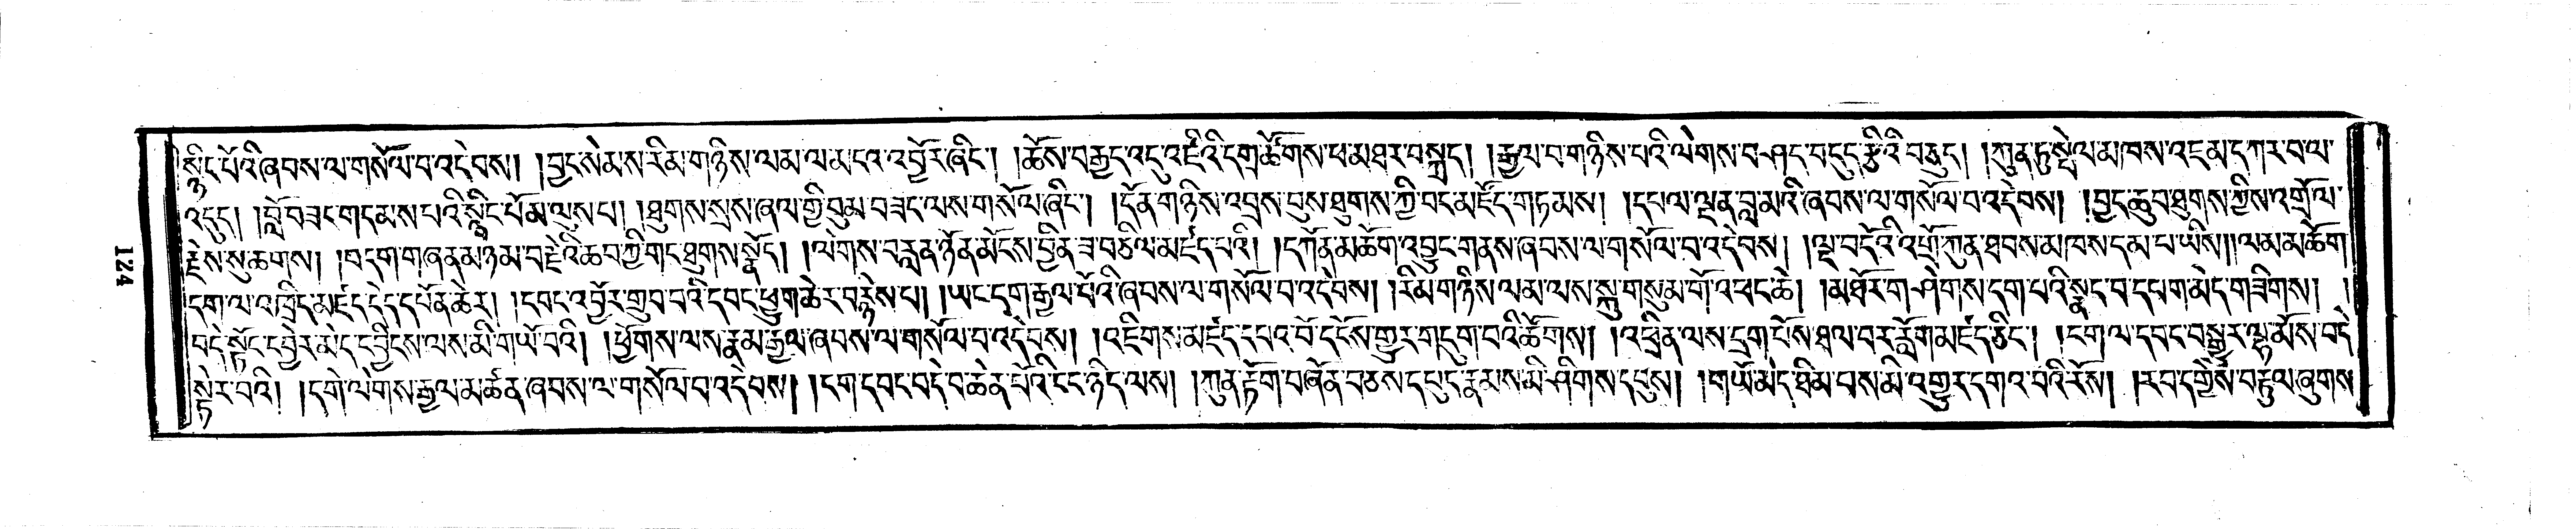སྙིང་པོའི་ཞབས་ལ་གསོལ་བ་འདེབས། །བྱང་སེམས་རིམ་གཉིས་ལམ་ལ་མངའ་འབྱོར་ཞིང་། །ཆོས་བརྒྱད་འདུ་འཛིའི་དགྲ་ཚོགས་ཕ་མཐར་བསྐྲད། །རྒྱལ་བ་གཉིས་པའི་ལེགས་བཤད་བདུད་རྩིའི་བཅུད། །ཀུན་ཏུ་སྤེལ་མཁས་འཇམ་དཀར་བ་ལ་
འདུད། །བློ་བཟང་གདམས་པའི་སྙིང་པོ་མ་ལུས་པ། །ཐུགས་སྲས་ཞལ་གྱི་བུམ་བཟང་ལས་གསོལ་ཞིང་། །དོན་གཉིས་འབྲས་བུ་ཐུགས་ཀྱི་བང་མཛད་མཛོད་གཏམས། །དཔལ་ལྡན་བླ་མའི་ཞབས་ལ་གསོལ་བ་འདེབས། །བྱང་ཆུབ་ཐུགས་ཀྱིས་འགྲོ་ལ་
རྗེས་སུ་ཆགས། །བདག་གཞན་མཉམ་བརྗེའི་ཆབ་ཀྱི་གང་ཐུགས་སྣོད། །ལེགས་བརླན་ཉོན་མོངས་བྱིན་ཟ་བཅིལ་མཛད་པའི། །དཀོན་མཆོག་འབྱུང་གནས་ཞབས་ལ་གསོལ་བ་འདེབས། །ལྔ་བདོའི་འགྲོ་ཀུན་ཐབས་མཁས་དམ་པ་ཡིས། །ལམ་མཆོག་
དག་ལ་འཁྲིད་མཛད་དེད་དཔོན་ཆེར། །དབང་འབྱོར་གྲུབ་པའི་དབང་ཕྱུག་ཆེར་བརྙེས་པ། །ཡང་དག་རྒྱལ་པོའི་ཞབས་ལ་གསོལ་བ་འདེབས། །རིམ་གཉིས་ལམ་ལས་སྐུ་གསུམ་གོ་འཕང་ཆེ། །མཐོར་གཤེགས་དག་པའི་སྣང་བ་དཔག་མེད་གཟིགས། །
བདེ་སྟོང་དབྱེར་མེད་དབྱིངས་ལས་མི་གཡོ་བའི། །ཕྱོགས་ལས་རྣམ་རྒྱལ་ཞབས་ལ་གསོལ་བ་འདེབས། །འཇིགས་མཛད་དཔའ་བོ་དངོས་གྱུར་གདུག་བའི་ཚོགས། །འཕྲིན་ལས་དྲག་པོས་ཐལ་བར་རློག་མཛད་ཅིང་། །ངག་ལ་དབང་བསྒྱུར་ལྷ་མོས་བདེ་
སྟེར་བའི། །དགེ་ལེགས་རྒྱལ་མཚན་ཞབས་ལ་གསོལ་བ་འདེབས། །ངག་དབང་བདེ་བ་ཆེན་པོའི་དང་ཉིད་ལས། །ཀུན་རྟོག་བཞོན་བཅས་དཔུད་རྣམས་མི་ཤིགས་དབུས། །གཡོ་མེད་ཐིམ་བས་མི་འགྱུར་དགའ་བའི་རོས། །རབ་དགྱེས་བརྟུལ་ཞུགས་